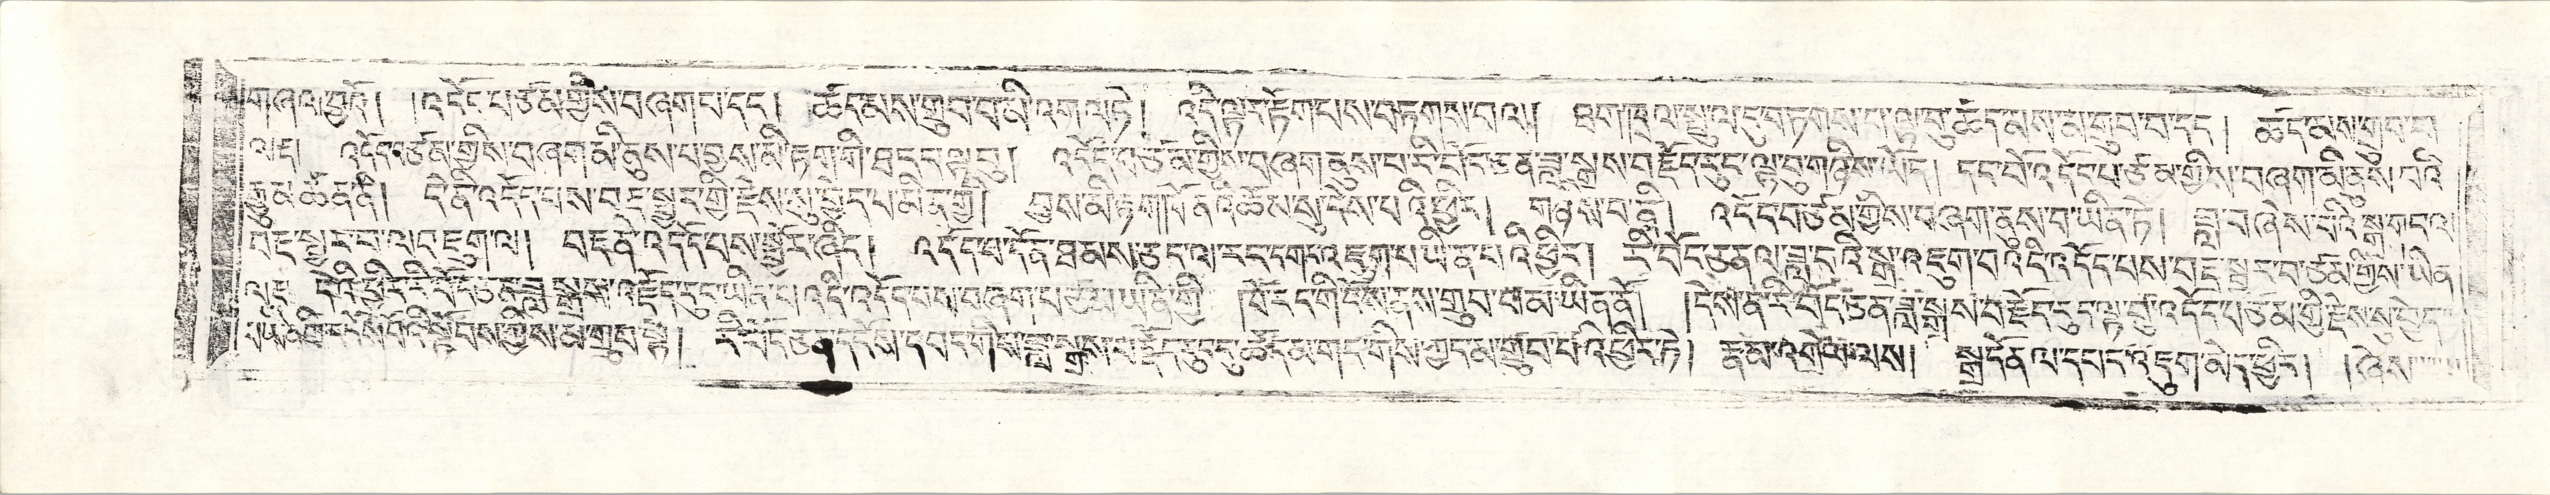གཞལ་བྱའོ། །འདོད་པ་ཙམ་གྱིས་བཞག་པ་དང་། ཚད་མས་གྲུབ་པ་མི་འགལ་ཏེ། འདི་ལྟར་རྟོག་པས་བཏགས་པ་ལ། ཐག་ཁྲ་ལ་སྦྲུལ་དུ་བཏགས་པ་ལྟ་བུ་ཚད་མས་མ་གྲུབ་པ་དང་། ཚད་མས་གྲུབ་པ་
ལ། འདོད་པ་ཙམ་གྱིས་བཞག་མི་ནུས་པ་བྱས་མི་རྟག་གི་ཐ་དད་ལྟ་བུ། འདོད་པ་ཙམ་གྱིས་བཞག་ནུས་པ་རི་བོང་ཅན་ཟླ་སྒྲས་བརྗོད་རུང་ལྟ་བུ་གཉིས་ཡོད། དང་པོ་འདོད་པ་ཙམ་གྱིས་བཞག་མི་ནུས་པའི་
རྒྱུ་མཚན་ནི། དེ་ནི་འདོད་པས་བརྡ་སྦྱར་གྱི་རྗེས་སུ་བྱེད་པ་མིན་གྱི། བྱས་མི་རྟག་ཁོ་ནའི་ཆོས་སུ་ངེས་པའི་ཕྱིར། གཉིས་པ་ནི། འདོད་པ་ཙམ་གྱིས་བཞག་ནུས་པ་ཡིན་ཏེ། ཟླ་བ་ཞེས་པའི་སྒྲ་གང་ལ་
བརྡ་སྦྱར་བ་ལ་འཇུག་ལ། བརྡ་ནི་འདོད་པས་སྦྱོར་ཞིང་། འདོད་པ་དོན་ཐམས་ཅད་ལ་རང་དགར་འཇུག་པ་ཡིན་པའི་ཕྱིར། རི་བོང་ཅན་ལ་ཟླ་བའི་སྒྲ་འཇུག་པ་འདི་འདོད་པས་བརྡ་སྦྱར་བ་ཙམ་གྱིས་ཡིན་
ལ། དེའི་ཕྱིར་རི་བོང་ཅན་ཟླ་སྒྲས་བརྗོད་རུང་ཡིན་པ་འདི་འདོད་པས་བཞག་པ་ཙམ་ཡིན་གྱི་ཁོ་རང་གི་ངོས་ནས་གྲུབ་པ་མ་ཡིན་ནོ། །དེས་ན་རི་བོང་ཅན་ཟླ་སྒྲས་བརྗོད་རུང་ལྟ་བུ་འདོད་པ་ཙམ་གྱི་རྗེས་སུ་བྱེད་
པ་ཡིན་གྱི་དངོས་པོའི་སྟོབས་ཀྱིས་མ་གྲུབ་སྟེ། རི་བོང་ཅན་དངོས་དབང་གིས་ཟླ་སྒྲས་བརྗོད་རུང་དུ་ཚད་མ་གང་གིས་ཀྱང་མ་གྲུབ་པའི་ཕྱིར་ཏེ། རྣམ་འགྲེལ་ལས། སྒྲ་དོན་ལ་དབང་འཇུག་མེད་ཕྱིར། །ཞེས་